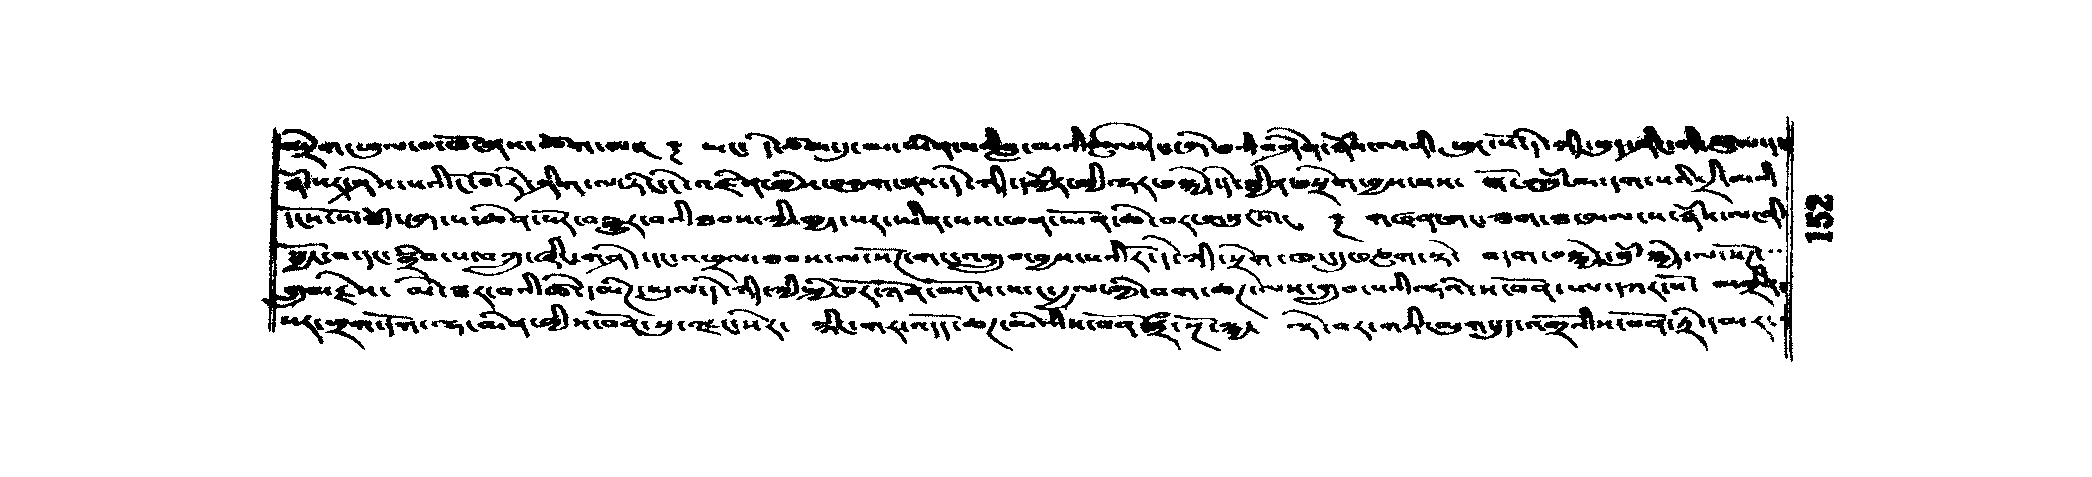བསྲེག་ཕུལ་བ་ཁོ་ནས་ཆོག་ལ། ༈ ཡང་། དེ་ཙམ་དུ་མ་ཡིན་པའི་བླ་མའི་ཚུལ་དང་དགེ་བའི་བཤེས་གཉེན་རྣམས་ལ་ནི། ཕུང་པོ་དེ་ཉིད་བུད་ཤིང་གི་ཚུལ་དང་
རྣམ་པར་ཤེས་པའི་ངོ་བོ་རེ་ཤིག་ལ་ཏིང་ངེ་འཛིན་གྱིས་བཀུག་ནས་དེ་ཉིད་དཀྱིལ་འཁོར་གྱི་ལྷར་བསྐྱེད་དེ་སྦྱིན་བསྲེག་བྱས་པས། སྒོ་གསུམ་མ་དག་པའི་དྲི་མའི་
དངོས་པོ་ཐམས་ཅད་དག་པ་ཆེན་པོར་བསྒྱུར་བའི་ཐབས་ཀྱི་ཁྱད་པར་ཡིན་པས་ཕན་ཡོན་ཆེ་བར་གསུངས་སོ། ༈ གཞན་གང་ཟག་ཐ་མལ་པ་རྣམས་ལ་ནི། 
སྦྱོང་བ་དང་སྒྲིབ་པ་བཀྲུ་ཞིང་གཤཻད་དང་འཕྲལ་ཐབས་ལ་སོགས་གང་འགྲུབ་བྱས་པའི་རོ་དེ་སྲེག་ཁང་དུ་བཅུག་སྟེ། བདག་བསྐྱེད་བུམ་བསྐྱེད་ལ་སོགས་
གྲུབ་རྗེས། མེ་སྦར་བའི་ཚེ་དམིགས་ཡུལ་དེ་ཉིད་ཀྱི་སྤྱི་བོར་ཉོན་མོངས་པ་ང་རྒྱལ་གྱི་བག་ཆགས་ལས་གྲུབ་པའི་ལྷའི་ས་བོན་ཨ་དཀར་པོ། མགྲིན་
པར་ཕྲག་དོག་ལྷ་མིན་གྱི་ས་བོན་སུ་ལྗང་སེར། སྙིང་གར་འདོད་ཆགས་མེའི་ས་བོན་ནྲྀ་སྔོ་སྐྱ། ལྟེ་བར་གཏི་མུག་དུད་འགྲོའི་ས་བོན་ཏྲི་དམར་